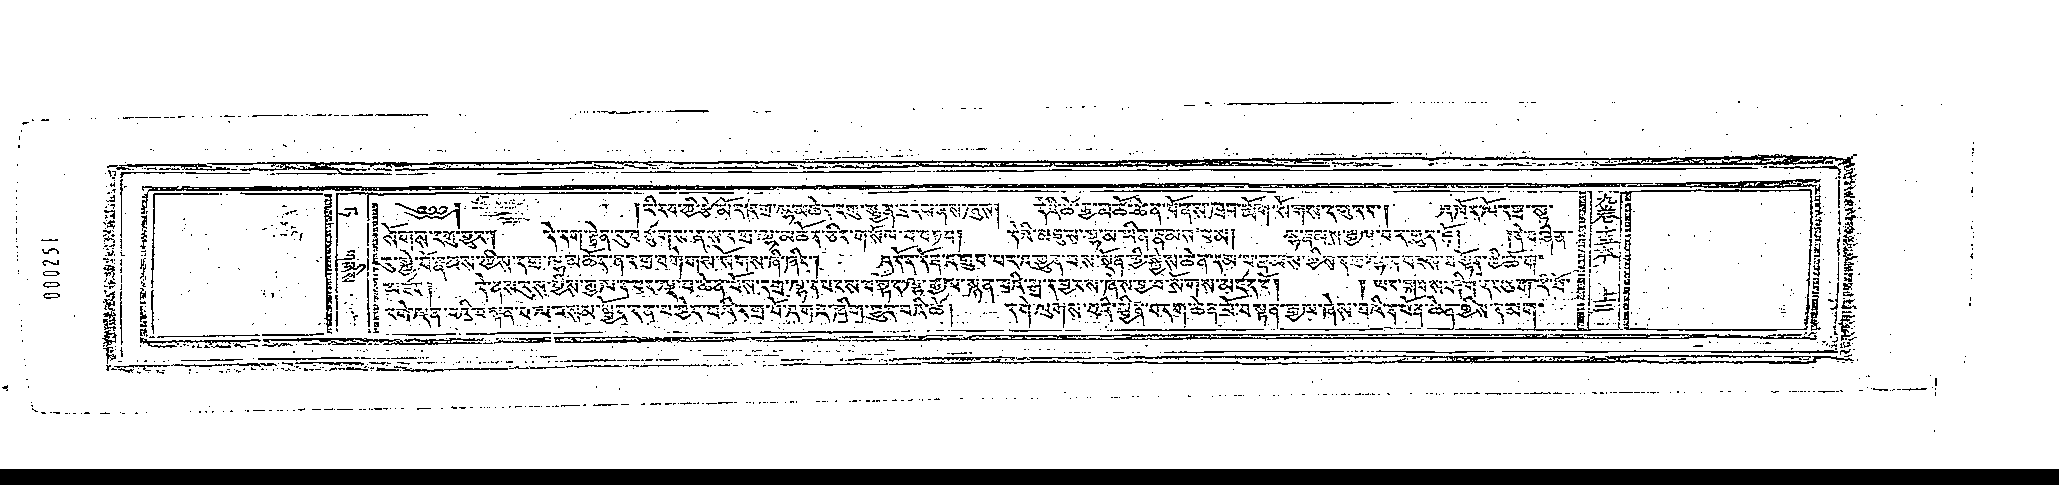༄༅༅། །རི་རབ་ཀྱི་རྩེ་མོར་དགྲ་ལྷ་མཆེད་དགུ་སྤྱན་དྲངས་ནས་ཞུས། དེའི་ཚེ་རྒྱ་མཚོ་ཆེན་པོ་ནས་ཁྲབ་རྨོག་སོགས་དགུ་དང་། འཁོར་ལོ་དགྲ་སྟ་
སོགས་དགུ་བྱུང་། དེ་དག་རྟེན་དུ་བཙུགས་ནས་དགྲ་ལྷ་མཆོད་ཅིང་གསོལ་བ་བཏབ། དེའི་མཐུས་ལྷ་མ་ཡིན་རྣམས་ཕམ། ལྷ་རྣམས་རྒྱལ་བར་གྱུར་ཏོ། །དེ་བཞིན་
དུ་སྐྱེ་བོ་རྣམས་ཀྱིས་དགྲ་ལྷ་མཆོད་ན་དགྲ་བགེགས་སོགས་ཞི་ཞིང་། འདོད་དོན་འགྲུབ་པར་འགྱུར་བས་སྔོན་གྱི་སྐྱེས་ཆེན་དམ་པ་རྣམས་ཀྱིས་དགྲ་ལྷ་དཔངས་བསྟོད་ཀྱི་ཆོ་ག་
མཛད། དེ་ནས་དུས་ཕྱིས་རྒྱལ་དབང་ལྔ་པ་ཆེན་པོས་དགྲ་ལྷ་དཔངས་བསྟོད་ལྷ་རྒྱལ་སྙན་པའི་སྒྲ་དབྱངས་ཞེས་བྱ་བ་སོགས་མཛད་དོ། །ཡང་སྐབས་ཤིག་རང་ཅག་རི་བོ་
དགེ་ལྡན་བའི་བསྟན་པ་ལ་བསམ་སྦྱོར་ངན་པ་བྱེད་པའི་དགྲ་བོ་འགའ་ཞིག་བྱུང་བའི་ཚེ། དགེ་ལུགས་བའི་སྦྱིན་བདག་ཆེན་པོ་བསྟན་རྒྱལ་ཞེས་པའི་དཔོན་ཆེན་གྱིས་དམག་